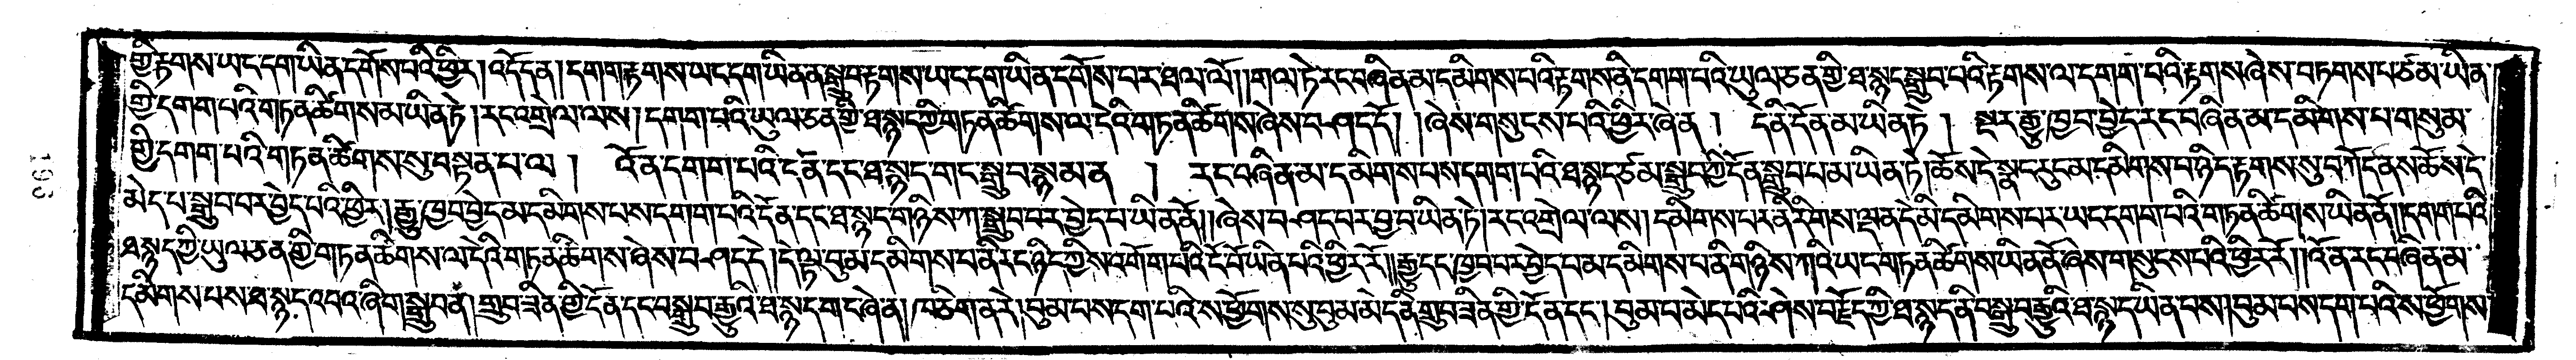གྱི་རྟགས་ཡང་དག་ཡིན་དགོས་པའི་ཕྱིར། འདོད་ན། དགག་རྟགས་ཡང་དག་ཡིན་ན་སྒྲུབ་རྟགས་ཡང་དག་ཡིན་དགོས་པར་ཐལ་ལོ། །གལ་ཏེ་རང་བཞིན་མ་དམིགས་པའི་རྟགས་ནི་དགག་པའི་ཡུལ་ཅན་གྱི་ཐ་སྙད་སྒྲུབ་པའི་རྟགས་ལ་དགག་པའི་རྟགས་ཞེས་བཏགས་པ་ཙམ་ཡིན་
གྱི་དགག་པའི་གཏན་ཚིགས་མ་ཡིན་ཏེ། རང་འགྲེལ་ལས། དགག་པའི་ཡུལ་ཅན་གྱི་ཐ་སྙད་ཀྱི་གཏན་ཚིགས་ལ་དེའི་གཏན་ཚིགས་ཞེས་བཤད་དེ། །ཞེས་གསུངས་པའི་ཕྱིར་ཞེ་ན། ད་ནི་དོན་མ་ཡིན་ཏེ། སྔར་རྒྱུ་ཁྱབ་བྱེད་རང་བཞིན་མ་དམིགས་པ་གསུམ་
ག་དགག་པའི་གཏན་ཚིགས་སུ་བསྟན་པ་ལ། འོ་ན་དགག་པའི་དོན་དང་ཐ་སྙད་གང་སྒྲུབ་སྙམ་ན། རང་བཞིན་མ་དམིགས་པས་དགག་པའི་ཐ་སྙད་ཙམ་སྒྲུབ་ཀྱི་དོན་སྒྲུབ་པ་མ་ཡིན་ཏེ། ཆོས་དེ་སྣང་རུང་མ་དམིགས་པ་ཉིད་རྟགས་སུ་བཀོད་ནས་ཆོས་དེ་
མེད་པ་སྒྲུབ་པར་བྱེད་པའི་ཕྱིར། རྒྱུ་ཁྱབ་བྱེད་མ་དམིགས་པས་དགག་པའི་དོན་དང་ཐ་སྙད་གཉིས་ཀ་སྒྲུབ་པར་བྱེད་པ་ཡིན་ནོ། །ཞེས་བཤད་པར་བྱ་བ་ཡིན་ཏེ། རང་འགྲེལ་ལས། དམིགས་པར་ནི་རིགས་ལྡན་དེ་མི་དམིགས་པར་ཡང་དགག་པའི་གཏན་ཚིགས་ཡིན་ནོ། །དགག་པའི་
ཐ་སྙད་ཀྱི་ཡུལ་ཅན་གྱི་གཏན་ཚིགས་ལ་དེའི་གཏན་ཚིགས་ཞེས་བཤད་དེ། དེ་ལྟ་བུ་མ་དམིགས་པ་ནི་རང་ཉིད་ཀྱིས་འགོག་པའི་ངོ་བོ་ཡིན་པའི་ཕྱིར་རོ། །རྒྱུ་དང་ཁྱབ་པར་བྱེད་པ་མ་དམིགས་པ་ནི་གཉིས་ཀའི་ཡང་གཏན་ཚིགས་ཡིན་ནོ་ཞེས་གསུངས་པའི་ཕྱིར་རོ། །འོ་ན་རང་བཞིན་མ་
དམིགས་པས་ཐ་སྙད་འབའ་ཞིག་སྒྲུབ་ན། གྲུབ་ཟིན་གྱི་དོན་དང་བསྒྲུབ་རྒྱུའི་ཐ་སྙད་གང་ཞེ་ན། ཁ་ཅིག་ན་རེ། བུམ་པས་དག་པའི་ས་ཕྱོགས་སུ་བུམ་མེད་ནི་གྲུབ་ཟིན་གྱི་དོན་དང་། བུམ་པ་མེད་པའི་ཤེས་བརྗོད་ཀྱི་ཐ་སྙད་ནི་བསྒྲུབ་རྒྱུའི་ཐ་སྙད་ཡིན་པས། བུམ་པས་དག་པའི་ས་ཕྱོགས་